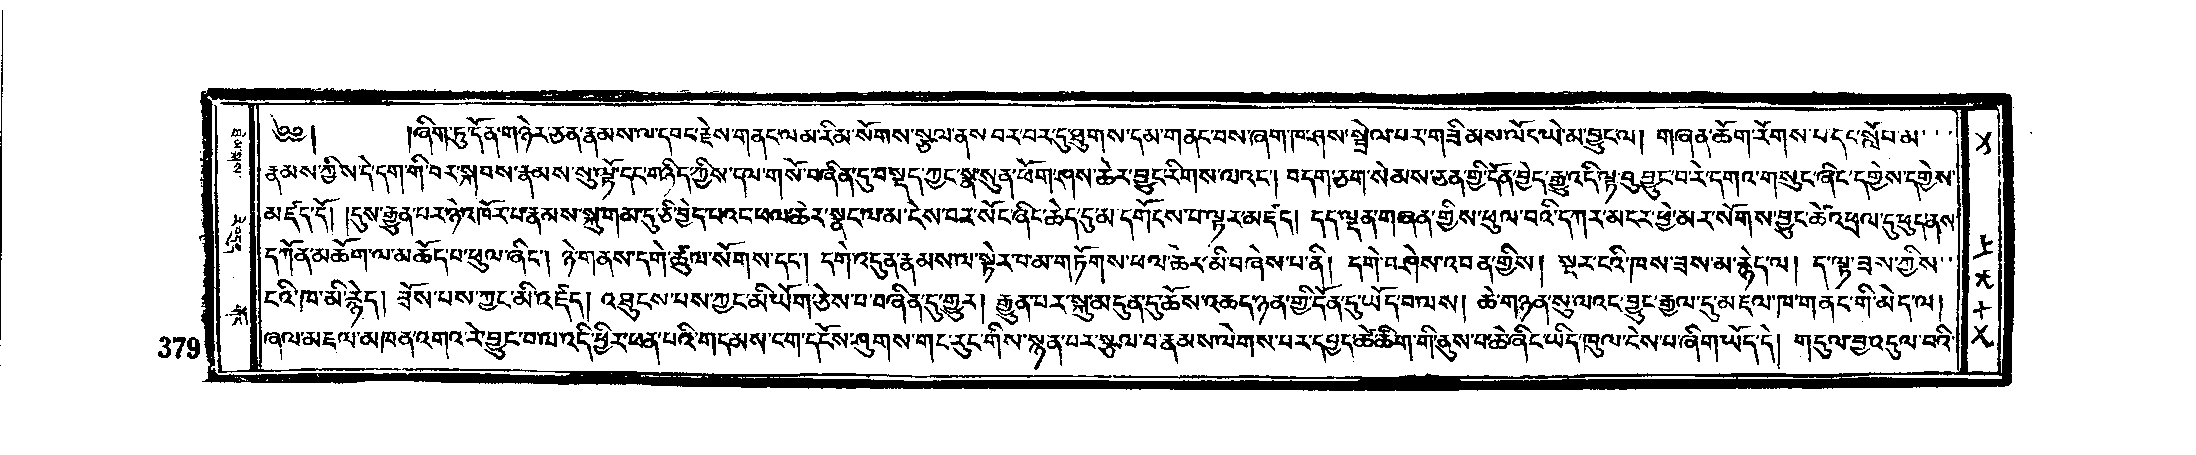༄༅། །ཞིག་ཏུ་དོན་གཉེར་ཅན་རྣམས་ལ་དབང་རྗེས་གནང་ལམ་རིམ་སོགས་སྩལ་ནས་བར་བར་དུ་ཐུགས་དམ་གནང་བས་ཞག་ཁ་ཤས་སྦྲེལ་པར་གཟིམས་ལོང་ཡེ་མ་བྱུང་ལ། གཞན་ཆོག་རོགས་པ་དང་སློབ་མ་
རྣམས་ཀྱིས་དེ་དག་གི་བར་སྐབས་རྣམས་སུ་ལྟོ་དང་གཉིད་ཀྱིས་དལ་གསོ་བཞིན་དུ་བསྡད་ཀྱང་སྣ་སུན་ཕོག་ཤས་ཆེར་བྱུང་རིགས་ལའང་། བདག་ཅག་སེམས་ཅན་གྱི་དོན་བྱེད་རྒྱུ་འདི་ལྟ་བུ་བྱུང་བ་རེ་དགའ་གསུང་ཞིང་དགྱེས་དགྱེས་
མཛད་དོ། །དུས་རྒྱུན་པར་ཉེ་འཁོར་པ་རྣམས་སྐུ་གམ་དུ་ཅི་བྱེད་པའང་ཕལ་ཆེར་སྣང་ལ་མ་ངེས་བར་སོང་ཞིང་ཆེད་དུ་མ་དགོངས་བ་ལྟར་མཛད། དད་ལྡན་གཞན་གྱིས་ཕུལ་བའི་དཀར་མངར་ཕྱེ་མར་སོགས་བྱུང་ཚེ་འཕྲལ་དུ་ཕུད་ནས་
དཀོན་མཆོག་ལ་མཆོད་པ་ཕུལ་ཞིང་། ཉེ་གནས་དགེ་ཚུལ་སོགས་དང་། དགེ་འདུན་རྣམས་ལ་སྟེར་བ་མ་གཏོགས་ཕལ་ཆེར་མི་བཞེས་པ་ནི། དགེ་བཤེས་འབན་གྱིས། སྔར་ངའི་ཁས་ཟས་མ་རྙེད་ལ། ད་ལྟ་ཟས་ཀྱིས་
ངའི་ཁ་མི་རྙེད། ཟོས་པས་ཀྱང་མི་འཛད། འཐུངས་པས་ཀྱང་མི་ཡོག་ཅེས་པ་བཞིན་དུ་གྱུར། རྒྱུན་པར་སྐུ་མདུན་དུ་ཆོས་འཆད་ཉན་གྱི་དོན་དུ་ཡོད་བ་ལས། ཆེ་གཉན་སུ་ལའང་བྱུང་རྒྱལ་དུ་མཇལ་ཁ་གནང་གི་མེད་ལ།
ཞལ་མཇལ་མཁན་འགའ་རེ་བྱུང་བ་ལ་འདི་ཕྱིར་ཕན་པའི་གདམས་ངག་དངོས་ཤུགས་གང་རུང་གིས་སྙན་པར་སྩལ་བ་རྣམས་ལེགས་པར་དཔྱད་ཚེ་ཚིག་གི་ནུས་པ་ཆེ་ཞིང་ཡིད་ཁུལ་ངེས་པ་ཞིག་ཡོད་དེ། གདུལ་བྱ་འདུལ་བའི་